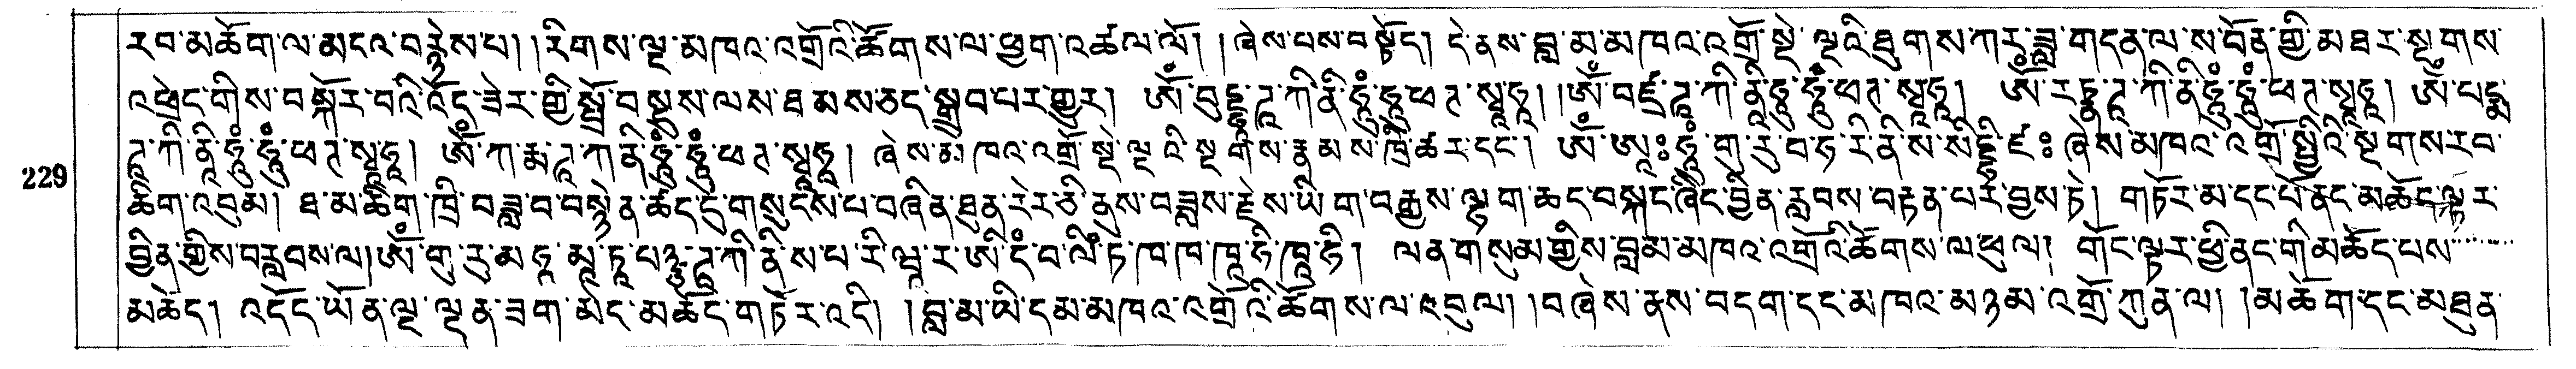རབ་མཆོག་ལ་མངའ་བརྙེས་པ། །རིགས་ལྔ་མཁའ་འགྲོའི་ཚོགས་ལ་ཕྱག་འཚལ་ལོ། །ཞེས་པས་བསྟོད། དེ་ནས་བླ་མ་མཁའ་འཕྲེང་གིས་བསྐོར་བའི་འོད་ཟེར་གྱི་སྤྲོ་བསྡུས་ལས་ཐགྲོ་སད་འཕྲེང་གིས་བསྐོར་བའི་འོད་ཟེར་གྱི་སྤྲོ་བསྡུས་ལས་ཐམས་ཅད་སྒྲུབ་པར་གྱུར། ཨོཾ་བུདྡྷཱ་ཌཱ་ཀི་ནི་ཧཱུཾ་ཧཱུ་ཕཊ་སྭཱ་ཧཱ། ཨོཾ་རཏྣ་ཌཱ་ཀི་ནི་ཧཱུཾ་ཧཱུཾ་ཕཊ་སྭཱ་ཧཱ། ཨོཾ་པདམ་
ཌཱ་ཀི་ནཱི་ཧཱུཾ་ཧཱུཾ་ཕཊ་སྭཱ་ཧཱ། ཨོཾ་ཀ་རྨ་ཌཱ་ཀ་ནི་ཧཱུཾ་ཧཱུཾ་ཕཊ་སྭཱ་ཧཱ། ཞེས་མཁའ་འགྲོ་སྡེ་ལྔའི་སྔགས་རྣམས་ཁྲི་ཚར་དང་། ཨོཾ་ཨཱཿ ཧཱུཾ་གུ་རུ་བ་ཧ་རི་ནི་ས་སིདྡྷི་ཛཿ ཞེས་མཁའ་འགྲོ་སྤྱིའི་སྔགས་རབ་
ཚིག་འབུམ། ཐ་མ་ཆིག་ཁྲི་བཟླ་བ་བསྙེན་ཚད་དུ་གསུངས་པ་བཞིན་ཐུན་རེར་ཅི་ནུས་བཟླས་རྗེས་ཡིག་བརྒྱས་ལྷག་ཆད་བསྐང་ཞིང་བྱིན་རླབས་བརྟན་པར་བྱས་ཏེ། གཏོར་མ་དང་པོ་ནང་མཆོད་ལྟར་
བྱིན་གྱིས་བརླབས་ལ། ཨོཾ་གུ་རུ་མཧཱ་མཱ་ཏཱ་པཉྩ་ཌཱ་ཀི་ནི་ས་པ་རི་ཝཱ་ར་ཨི་དཾ་བ་ལིཾ་ཏ་ཁ་ཁ་ཁཱ་ཧི་ཁཱ་ཧི། ལན་གསུམ་གྱིས་བླ་མ་མཁའ་འགྲོའི་ཚོགས་ལ་ཕུལ། གོང་ལྟར་ཕྱི་ནང་གི་མཆོད་པས་
མཆོད། འདོད་ཡོན་ལྔ་ལྡན་ཟག་མེད་མཆོད་གཏོར་འདི། །བླ་མ་ཡི་དམ་མཁའ་འགྲོའི་ཚོགས་ལ་འབུལ། །བཞེས་ནས་བདག་དང་མཁའ་མཉམ་འགྲོ་ཀུན་ལ། །མཆོག་དང་མཐུན་